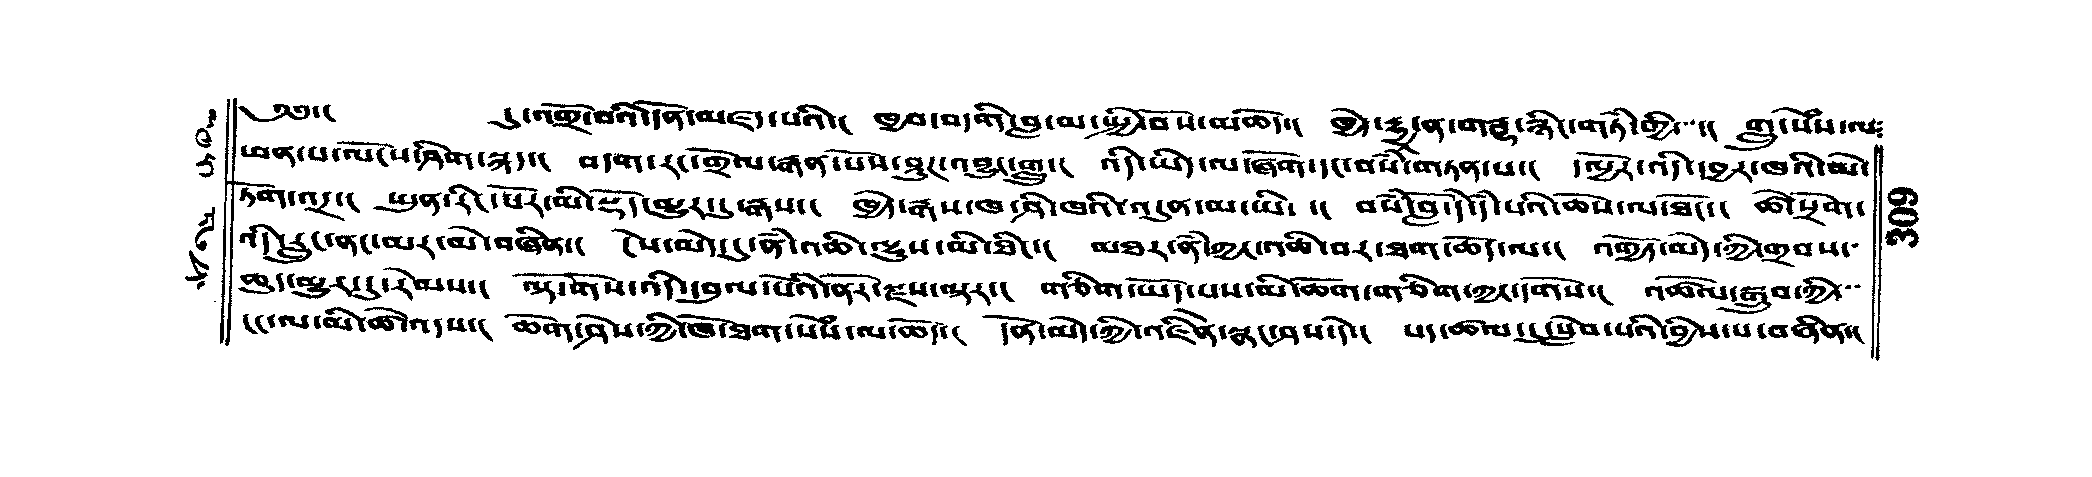དུ་འགྲོ་བའི་དོན་མཛད་པའི། །ཁྱབ་བདག་གི་བླ་མ་སྤྱི་བོས་མཆོད། །ཁྱེད་དྷྱཱ་ན་གརྦྷ་སྙིང་གཏམ་གྱི། །གླུ་སེམས་ལ་
ཕན་པ་ལོངས་ཤིག་སྐད། །བདག་རང་གྲོལ་རྒན་པོས་ཤུགས་འབྱུང་གླུ། །འདི་ཡིད་ལ་ཞོག་དང་བསམ་གཏན་པ། །དལ་འབྱོར་འདི་དབྱར་ཁའི་མེ་
ཏོག་འདྲ། །ཡུན་རིང་པོ་མི་སྡོད་མྱུར་དུ་རྒས། །ཁྱེད་རྒས་ཁ་ཤི་ཁའི་འདུན་མ་ཡི། །བསམ་བློ་དེ་དམ་པའི་ཆོས་ལ་ཐོངས། །ཚེ་སྲོག་
འདི་རླུང་ནང་མར་མེ་བཞིན། །ངེས་མེད་དུ་ནམ་འཆི་ལྷུས་མི་ཐིངས། །མཐར་ནམ་ཀྱང་འཆི་བར་ཐག་ཆོད་ལ། །འགྱོད་མེད་ཀྱི་གྲབས་
ཆུད་མྱུར་དུ་རེམས། །ལྟོ་གོས་འདི་དབུལ་པོའི་ནོར་རྫས་ལྟར། །གཅིག་ཡོད་པས་མི་ཆོག་གཅིག་ཀྱང་དགོས། །འཚོལ་སྒྲུབ་ཀྱི་
ངང་ལ་མི་ཚེ་འདས། །ཆོག་ཤེས་ཀྱི་ཁོ་ཐག་སེམས་ལ་ཆོད། །དོན་མེད་ཀྱི་འཇིག་རྟེན་སྣང་ཤས་དེ། །པད་ཚལ་དུ་སླེབ་པའི་བྱིས་པ་བཞིན།